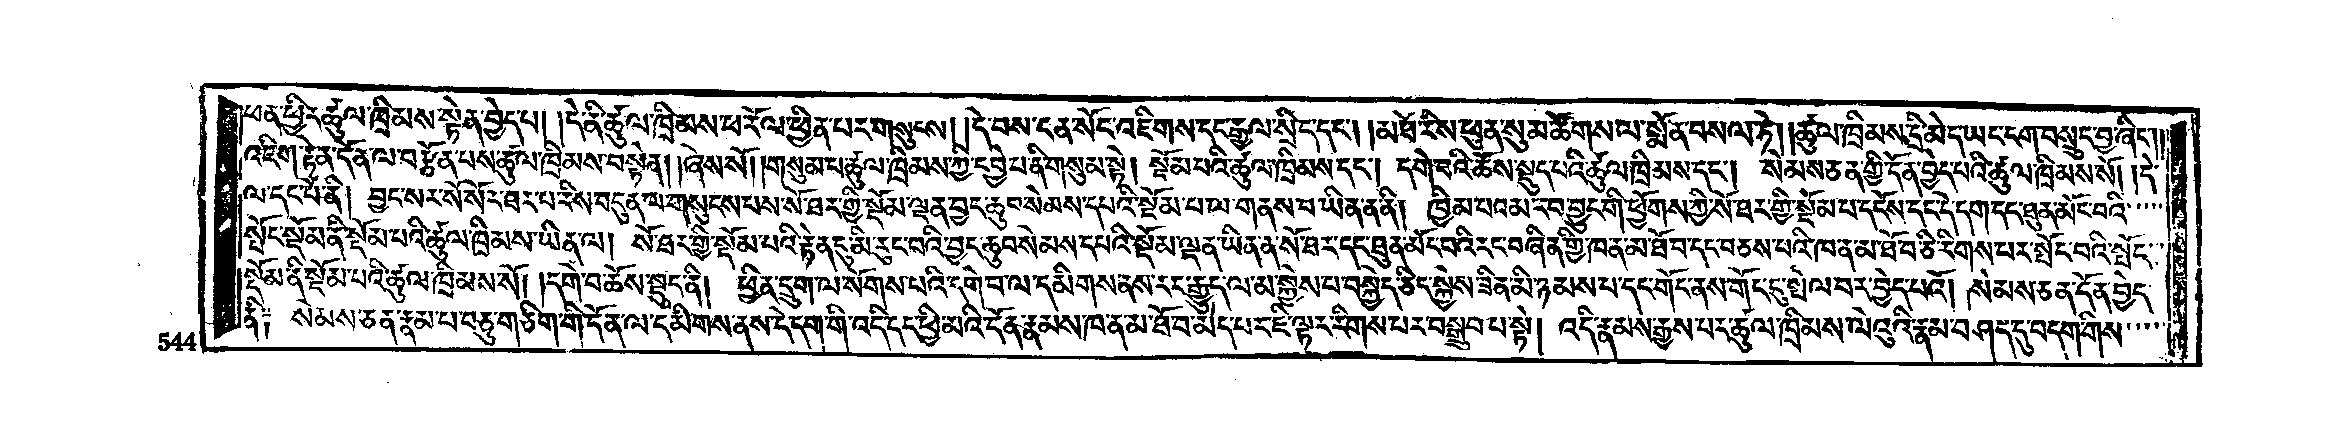ཕན་ཕྱིར་ཚུལ་ཁྲིམས་སྟེན་བྱེད་པ། །དེ་ནི་ཚུལ་ཁྲིམས་ཕ་རོལ་ཕྱིན་པར་གསུངས། །དེ་བས་ངན་སོང་འཇིགས་དང་རྒྱལ་སྲིད་དང་། །མཐོ་རིས་ཕུན་སུམ་ཚོགས་ལ་སྨོན་བསལ་ཏེ། །ཚུལ་ཁྲིམས་དྲི་མེད་ཡང་དག་བསྲུང་བྱ་ཞིང།།
འཇིག་རྟེན་དོན་ལ་བརྩོན་པས་ཚུལ་ཁྲིམས་བསྟེན། །ཞེས་སོ། །གསུམ་པ་ཚུལ་ཁྲིམས་ཀྱི་དབྱེ་བ་ནི་གསུམ་སྟེ། སྡོམ་པའི་ཚུལ་ཁྲིམས་དང་། དགེ་བའི་ཆོས་སྡུད་པའི་ཚུལ་ཁྲིམས་དང་། སེམས་ཅན་གྱི་དོན་བྱེད་པའི་ཚུལ་ཁྲིམས་སོ། །དེ་
ལ་དང་པོ་ནི། བྱང་སར་སོ་སོར་ཐར་པ་རིས་བདུན་ལ་གསུངས་བས་སོ་ཐར་གྱི་སྡོམ་ལྡན་བྱང་ཆུབ་སེམས་དཔའི་སྡོམ་པ་ལ་གནས་པ་ཡིན་ན་ནི། ཁྱིམ་པའམ་རབ་བྱུང་གི་ཕྱོགས་ཀྱི་སོ་ཐར་གྱི་སྡོམ་པ་དངོས་དང་དེ་དག་དང་ཐུན་མོང་བའི་
སྤོང་སྡོམ་ནི་སྡོམ་པའི་ཚུལ་ཁྲིམས་ཡིན་ལ། སོ་ཐར་གྱི་སྡོམ་པའི་རྟེན་དུ་མི་རུང་བའི་བྱང་ཆུབ་སེམས་དཔའི་སྡོམ་ལྡན་ཡིན་ན་སོ་ཐར་དང་ཐུན་མོང་བའི་རང་བཞིན་གྱི་ཁ་ན་མ་ཐོ་བ་དང་བཅས་པའི་ཁ་ན་མ་ཐོ་བ་ཅི་རིགས་པར་སྤོང་བའི་སྤོང་
སྡོམ་ནི་སྡོམ་པའི་ཚུལ་ཁྲིམས་སོ། །དགེ་བ་ཆོས་སྡུད་ནི། ཕྱིན་དྲུག་ལ་སོགས་པའི་དགེ་བ་ལ་དམིགས་ནས་རང་རྒྱུད་ལ་མ་སྐྱེས་པ་བསྐྱེད་ཅིང་སྐྱེས་ཟིན་མི་ཉམས་པ་དང་གོང་ནས་གོང་དུ་སྤེལ་བར་བྱེད་པའོ། །སེམས་ཅན་དོན་བྱེད་
ནི༑ སེམས་ཅན་རྣམ་པ་བཅུ་གཅིག་གི་དོན་ལ་དམིགས་ནས་དེ་དག་གི་འདི་དང་ཕྱི་མའི་དོན་རྣམས་ཁ་ན་མ་ཐོ་བ་མེད་པར་ཇི་ལྟར་རིགས་པར་བསྒྲུབ་པ་སྟེ། འདི་རྣམས་རྒྱས་པར་ཚུལ་ཁྲིམས་ལེའུའི་རྣམ་བཤད་དུ་བདག་གིས་